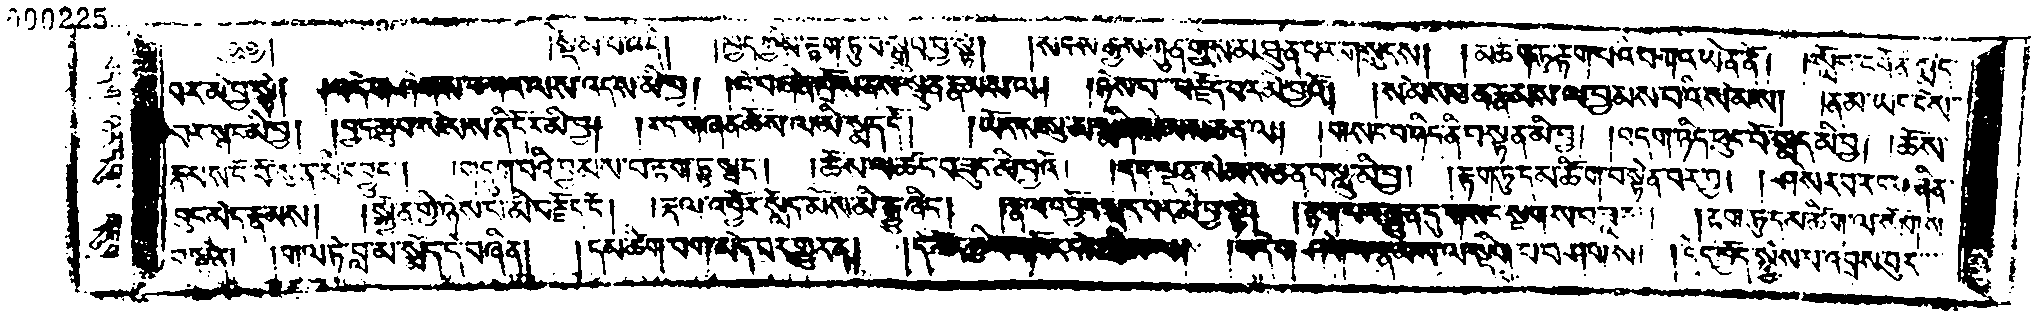༄༅། །སྡོམ་པ་འདི། །ཁྱོད་ཀྱིས་རྟག་ཏུ་བསྒྲུབ་བྱ་སྟེ། །སངས་རྒྱས་ཀུན་གྱིས་མཐུན་པར་གསུངས། །མཆོག་ཏུ་རྟག་པའི་བཀའ་ཡིན་ནོ། །སློབ་དཔོན་སྨོད་
པར་མི་བྱ་སྟེ། །བདེ་གཤེགས་བཀའ་ལས་འདས་མི་བྱ། །དེ་བཞིན་ཁྲོས་ནས་སྤུན་རྣམས་ལ། །ཉེས་པ་བརྗོད་བར་མི་བྱའོ། །སེམས་ཅན་རྣམས་ལ་བྱམས་པའི་སེམས། །ནམ་ཡང་ངེས་
པར་སྤང་མི་བྱ། །བྱང་ཆུབ་སེམས་ནི་དོར་མི་བྱ། །རང་གཞན་ཆོས་ལ་མི་སྨད་དོ། །ཡོངས་སུ་མ་སྨིན་སེམས་ཅན་ལ། །གསང་བ་ཉིད་ནི་བསྟན་མི་བྱ། །བདག་ཉིད་ཕུང་པོ་སྨད་མི་བྱ། །ཆོས་
རྣམས་ངོ་བོ་སུན་མི་དབྱུང་། །གདུག་པའི་བྱམས་པ་རྟག་ཏུ་སྤང་། །ཆོས་ལ་ཚད་བཟུང་མི་བྱའོ། །དད་ལྡན་སེམས་ཅན་བསླུ་མི་བྱ། །རྟག་ཏུ་དམ་ཚིག་བསྟེན་པར་བྱ། །ཤེས་རབ་རང་བཞིན་
བུད་མེད་རྣམས། །སྐྱོན་གྱི་ཉེས་པ་མི་བརྗོད་དོ། །རྣལ་འབྱོར་སློང་མོས་མི་རྒྱུ་ཞིང་། །རྣལ་འབྱོར་སྤང་པར་མི་བྱ་སྟེ། །རྟག་པར་རྒྱུན་དུ་གསང་སྔགས་བཟླས། །རྟག་ཏུ་དམ་ཚིག་ལ་སོགས་
བསྟེན། །གལ་ཏེ་བླ་མ་སྨོད་དེ་བཞིན། །དམ་ཚིག་བག་མེད་པར་གྱུར་ན། །དེ་ཚེ་དཀྱིལ་འཁོར་ངེས་བྲིས་ལ། །བདེ་གཤེགས་རྣམས་ལ་སྡིག་པ་བཤགས། །དེང་ཁྱོད་སྐྱེས་པ་འབྲས་བུར་